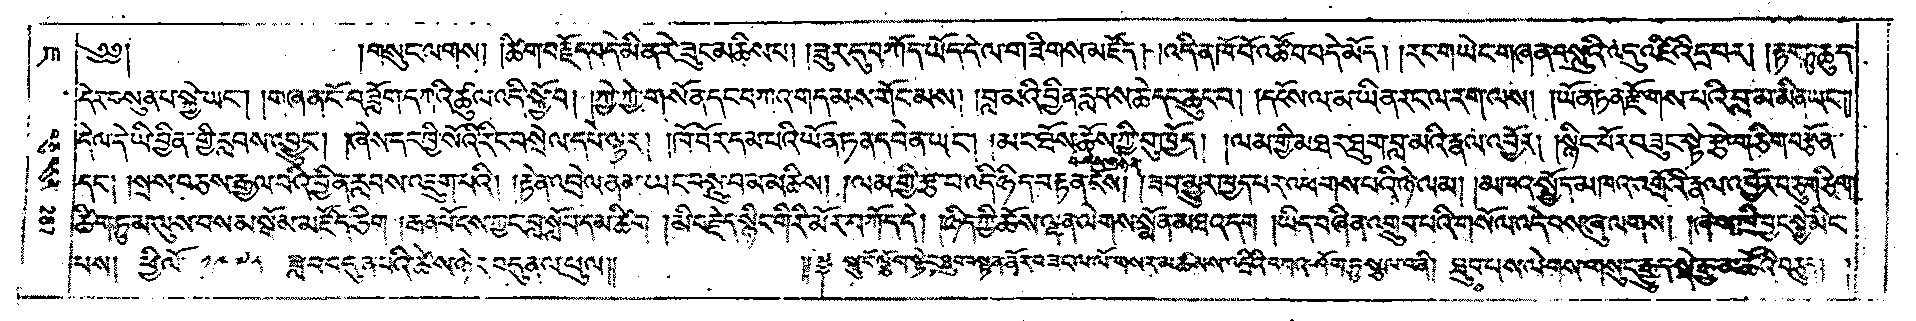༄༅། །གསུང་ལགས། །ཚིག་བརྗོད་བདེ་མིན་རེ་ཟུང་མཆིས་པ། །ཟུར་དུ་བཀོད་ཡོད་དེ་ལ་གཟིགས་མཛོད། །འདི་ན་ཁོ་བོ་འཚོ་བ་བདེ་མོད། །རང་གཡེང་གཞན་བསླུའི་འདུ་འཛིའི་དྲ་བར། །རྟག་ཏུ་ཆུད་
དེར་བསུན་པ་སྐྱེ་ཡང་། །གཞན་ངོ་བཟློག་དཀའི་ཚུལ་འདི་སྐྱོ་བ། །ཀྱེ་ཀྱེ་གསོན་དང་བཀའ་གདམས་གོང་མས། །བླ་མའི་བྱིན་རླབས་ཆེ་དང་ཆུང་བ། །དངོས་ལ་མ་ཡིན་རང་ལ་རག་ལས། །ཡོན་ཏན་རྫོགས་པའི་བླ་མ་མིན་ཡང།།
དེ་ལ་དེ་ཡི་བྱིན་གྱི་རླབས་འབྱུང་། །ཞེས་དང་ཁྱི་སོའི་རིང་བསྲེལ་དཔེ་ལྟར། །ཁོ་བོར་དམ་པའི་ཡོན་ཏན་དབེན་ཡང་། །མང་ཐོས་བཤེས་གཉེན་ཆོས་ཀྱི་བུ་ཁྱོད། །ལམ་གྱི་མཐར་ཐུག་བླ་མའི་རྣལ་འབྱོར། །སྙིང་པོར་བཟུང་སྟེ་རྩེ་གཅིག་བརྩོན་
དང་། །སྲས་བཅས་རྒྱལ་བའི་བྱིན་རླབས་འཇུག་པའི། །རྟེན་འབྲེལ་ནམ་ཡང་བསླུ་བ་མ་མཆིས། །ལམ་གྱི་རྩ་བ་འདི་ཉིད་བརྟན་ངོས། །ཟབ་མྱུར་ཁྱད་པར་འཕགས་པའི་ཉེ་ལམ། །མཁའ་སྤྱོད་མཁའ་འགྲོའི་རྣལ་འབྱོར་བཅུ་གཅིག་
ཚིག་ཏུ་མ་ལུས་བསམ་སྒོམ་མཛོད་ཅིག །རྒན་པོ་ངས་ཀྱང་བླ་སློབ་དམ་ཚིག །མི་བརྗེད་སྙིང་གི་རི་མོར་བཀོད་དེ། །ཉིད་ཀྱི་ཆོས་ལྡན་ལེགས་སྨོན་མཐའ་དག །ཡིད་བཞིན་འགྲུབ་པའི་གསོལ་འདེབས་ཞུ་ལགས། །ཞེས་ཁྲི་བྱང་སྐྱེ་མིང་
པས། ཕྱི་ལོ ༡༩༧༨་ཟླ་བ་བདུན་པའི་ཚེས་ཉེར་བདུན་ལ་ཕུལ།། །། ༈ སྐུ་ངོ་ལྕོག་སྟེང་ཐུབ་བསྟན་ནོར་བཟང་ལ་ལོ་གསར་མཚམས་འདྲིའི་བཀའ་ཤོག་ཏུ་སྩལ་བ་ནི།  ཐུབ྾་པས་ལེགས་གསུང་རྒྱུད་སྡེ་རྒྱ་མཚོའི་བཅུད། །